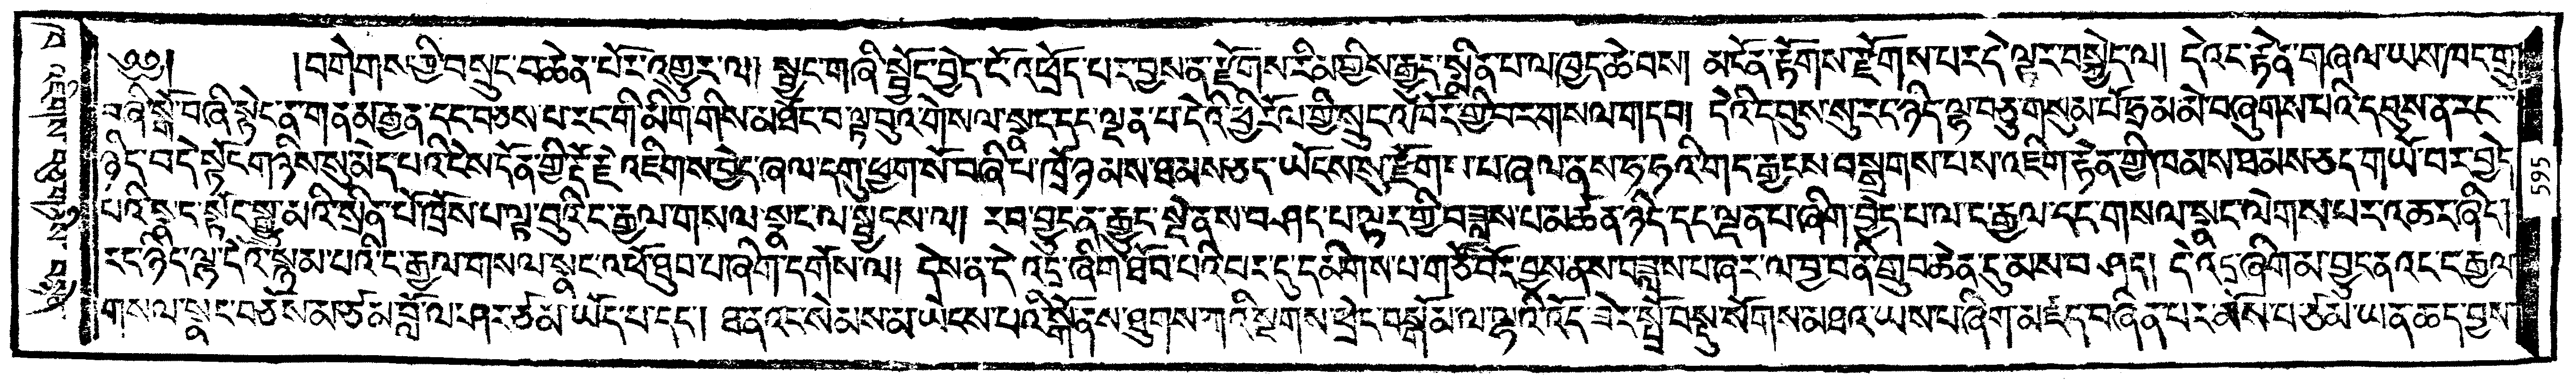༄༅། །བགེགས་ཀྱི་བསྲུང་བ་ཆེན་པོར་འགྱུར་ལ། སྦྱང་གཞི་སྦྱོང་བྱེད་ངོ་འཕྲོད་པར་བྱས་ན་རྫོགས་རིམ་གྱིས་རྒྱུད་སྨིན་པ་ལ་ཁྱད་ཆེ་བས། མངོན་རྟོགས་རྫོགས་པར་དེ་ལྟར་བསྐྱེད་ལ། དེའང་རྟེན་གཞལ་ཡས་ཁང་གྲུ་
བཞི་སྒོ་བཞི་སྟེང་ན་གནམ་རྒྱན་དང་བཅས་པ་རང་གི་མིག་གིས་མཐོང་བ་ལྟ་བུའི་གསལ་སྣང་དང་ལྡན་པ་དེའི་ཕྱི་རོལ་གྱི་སྲུང་འཁོར་གྱི་བར་གསལ་གདབ། དེའི་དབུས་སུ་རང་ཉིད་ལྷ་བཅུ་གསུམ་པོ་ཧྲམ་མེ་བཞུགས་པའི་དབུས་ན་རང་
ཉིད་བདེ་སྟོང་གཉིས་སུ་མེད་པའི་ངེས་དོན་གྱི་རྡོ་རྗེ་འཇིགས་བྱེད་ཞལ་དགུ་ཕྱག་སོ་བཞི་པ་ཁྲོ་ཉམས་ཐམས་ཅད་ཡོངས་སུ་རྫོགས་པ་ཞལ་ནས་ཧ་ཧའི་གང་རྒྱངས་བསྒྲགས་པས་འཇིག་རྟེན་གྱི་ཁམས་ཐམས་ཅད་གཡོ་བར་བྱེད་
པའི་སྣང་སྟོང་སྒྱུ་མའི་སྲིན་པོ་ཁྲོས་པ་ལྟ་བུའི་ང་རྒྱལ་གསལ་སྣང་ལ་སྦྱངས་ལ། རབ་བྱུང་ན་རྒྱུད་སྡེ་ནས་བཤད་པ་ལྟར་གྱི་བཟླས་པ་མཚན་ཉིད་དང་ལྡན་པ་ཞིག་བྱེད་པ་ལ་ང་རྒྱལ་དང་གསལ་སྣང་ལེགས་པར་འཆར་ཞིང་།
རང་ཉིད་ལྷ་དེའི་སྙམ་པའི་ང་རྒྱལ་གསལ་སྣང་འཕོ་ཐུབ་པ་ཞིག་དགོས་ལ། དེས་ན་དེ་འདྲ་ཞིག་ཐོབ་པའི་བར་དུ་དམིགས་པ་གཙོ་བོར་བྱས་ནས་བཟླས་པ་ཞར་ལ་བྱ་བ་ནི་གྲུབ་ཆེན་དུ་མས་བཤད། དེ་འདྲ་ཞིག་མ་བྱུང་ནའང་ང་རྒྱལ་
གསལ་སྣང་བཅོས་མ་ཙམ་བློ་ལ་ཤར་ཙམ་ཡོད་པ་དང་། ཐ་ནའང་སེམས་མ་ཡེངས་པའི་སྒོ་ནས་ཐུགས་ཀའི་སྔགས་ཕྲེང་བསྒོམ་ལ་ལྷའི་འོད་ཟེར་སྤྲོ་བསྡུ་སོགས་མཐའ་ཡས་པ་ཞིག་མཛད་བཞིན་པར་མོས་པ་ཙམ་ཡན་ཆད་བྱས་